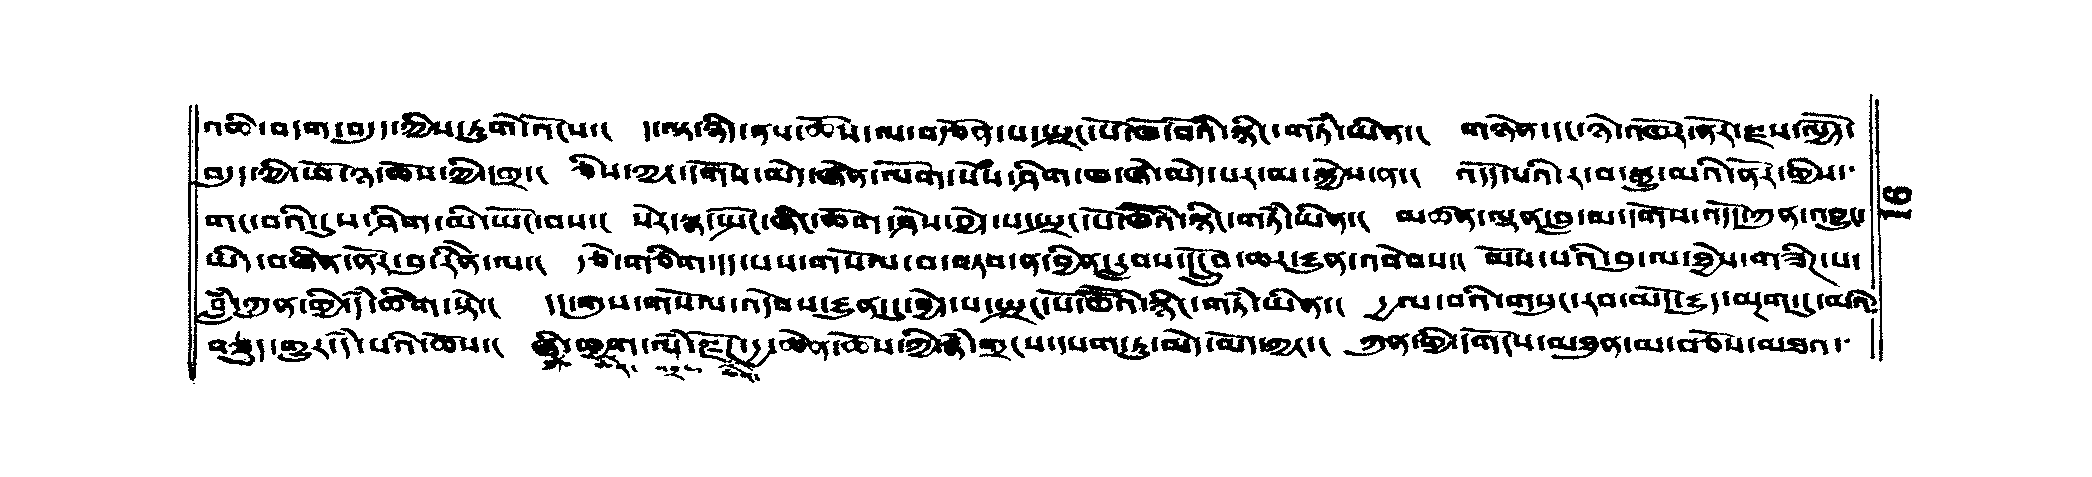འཆི་བདག་བདུད་ཀྱིས་གཏུག་གེ་འོངས། །ད་ལྟ་ཉིད་ནས་ཆོས་ལ་བརྩོན་པ་སྤྲང་པོ་ཁོའི་སྙིང་གཏམ་ཡིན། །གཉེན་དང་ཉེ་བ་ནོར་རྫས་ལོངས་སྤྱོད་
བདུད་ཀྱི་ཕོ་ཉ་ཆོས་ཀྱི་དགྲ །ཅིས་ཀྱང་དགོས་མེད་ཞེན་ལོག་སོམས་ཤིག་ཁ་ཞེ་མེད་པར་མ་སྐྱེས་ན། །འདོད་པའི་ར་བ་སྒྱུ་མའི་ནོར་གྱིས་
གང་བའི་དུས་ཞིག་མི་ཡོང་བས། །སེར་སྣ་སྤོང་ཞིང་ཆོག་ཤེས་བྱེད་པ་སྤྲང་པོ་ཁོ་བོའི་སྙིང་གཏམ་ཡིན། །མཚན་ལྡན་བླ་མ་དགོས་འདོད་ཀུན་འབྱུང་
ཡིད་བཞིན་ནོར་བུ་རིན་ཆེན་ལ། །རྩེ་གཅིག་གུས་པས་གསོལ་བ་བཏབ་ན་བྱིན་རླབས་དངོས་གྲུབ་ཆར་རྒྱུན་འབེབས། །མོས་པའི་བུ་ལ་ཐུགས་རྗེས་གཟིགས་པ་
བླམ་ཀུན་གྱི་དམ་ཚིག་སྟེ། །དད་གུས་གསོལ་འདེབས་རྒྱུན་དུ་བྱེད་པ་སྤྲང་པོ་ཁོ་བོའི་སྙིང་གཏམ་ཡིན། །རྒྱལ་བའི་གསུང་རབ་མདོ་རྒྱུད་མན་ངག་དུ་མའི་
བཅུད་གྱུར་དམ་པའི་ཆོས། །ཞི་ཕྱག་ལམ་རྫོགས་རྒྱ་ཆེན་ཆོས་ཀྱི་རྣམ་གྲངས་དཔག་ཏུ་མེད་མོད་ཀྱང་། །ཀུན་གྱི་དགོངས་མཐུན་མ་བཅོས་མཐའ་